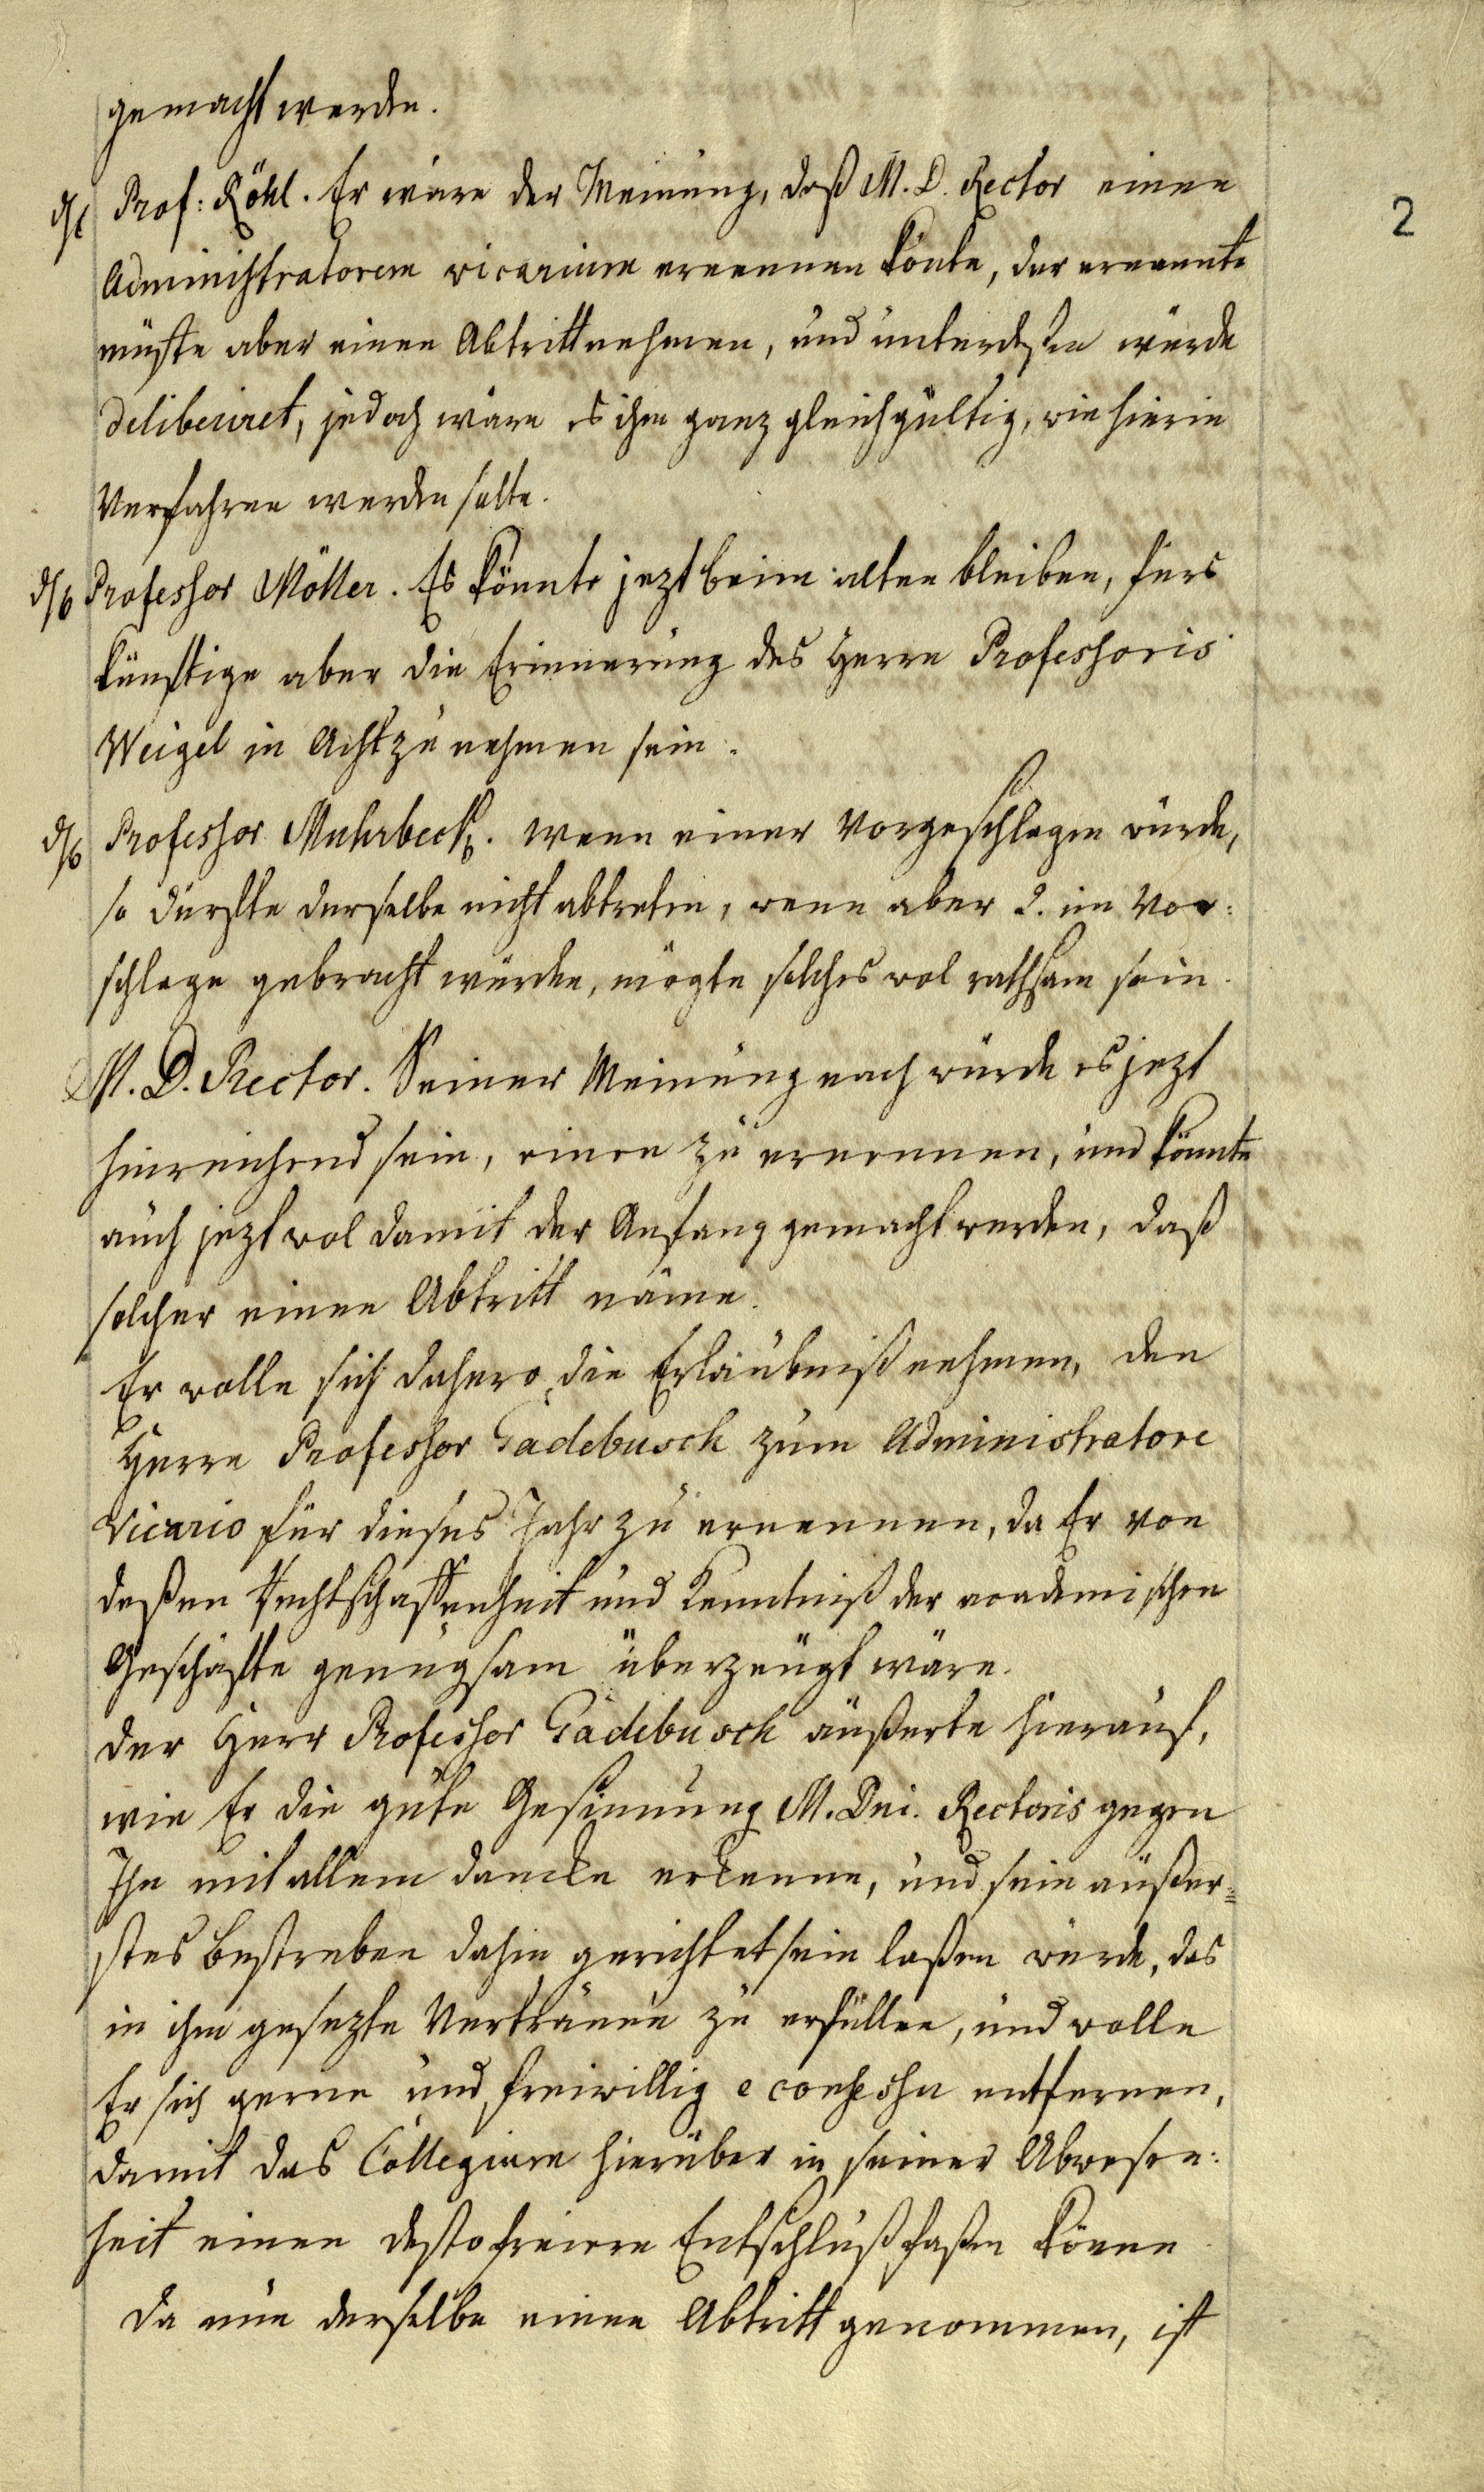gemacht werden.
dh Prof: Röhl. Er wäre der Meinung, daß M. D. Rector einen
Administratorem vicarium ernennen könte, der ernannte
müßte aber einen Abtritt nehmen, und unterdeßen würde
deliberiret, jedoch wäre es ihm ganz gleichgültig, wie hierin
verfahren werden solte.
dh Professor Möller. Es könnte jezt beim alten bleiben, fürs
künftige aber die Erinnerung des Herrn Professoris
Weigel in Acht zu nehmen sein.
dh Professor Muhrbeck. wenn einer vorgeschlagenwürde,
so dürfte derselbe nicht abtreten, wenn aber 2. im Vor¬
schlage gebracht würden, mögte solches wol rathsam sein.
M. D. Rector. Seiner Meinung nach würde es jezt
hinreichend sein, einen zu ernennen, und könnte
auch jezt wol damit der Anfang gemacht werden, daß
solcher einen Abtritt näme.
Er wolle sich dahero die Erlaubnß nehmen, den
Herrn Professor Gadebusch zum Administratore
vicario für dieses Jahr zu ernennen, da Er von
dessen Rechtschaffenheit und Kenntniß der academischen
Geschäfte genügsam überzeugt überzeugt wäre
DerHerr ProfessorGadebusch äußerte hierauf,
wie Er die gute Gesinnung M. D. Rectoris gegen
Ihn mit allem dancke erkenne, und sein äußer¬
stes Bestreben dahin gerichtet sein laßen würde, das
in ihm gesezte Vertrauen zu erfüllen, und wolle
Er sich gerne und freiwillig e consessu entfernen,
damit das Collegium hierüber in seiner Abwesen¬
heit einen dest freiern Entschluß fassen könne.
da nun derselbe einen Abtritt genommen, ist